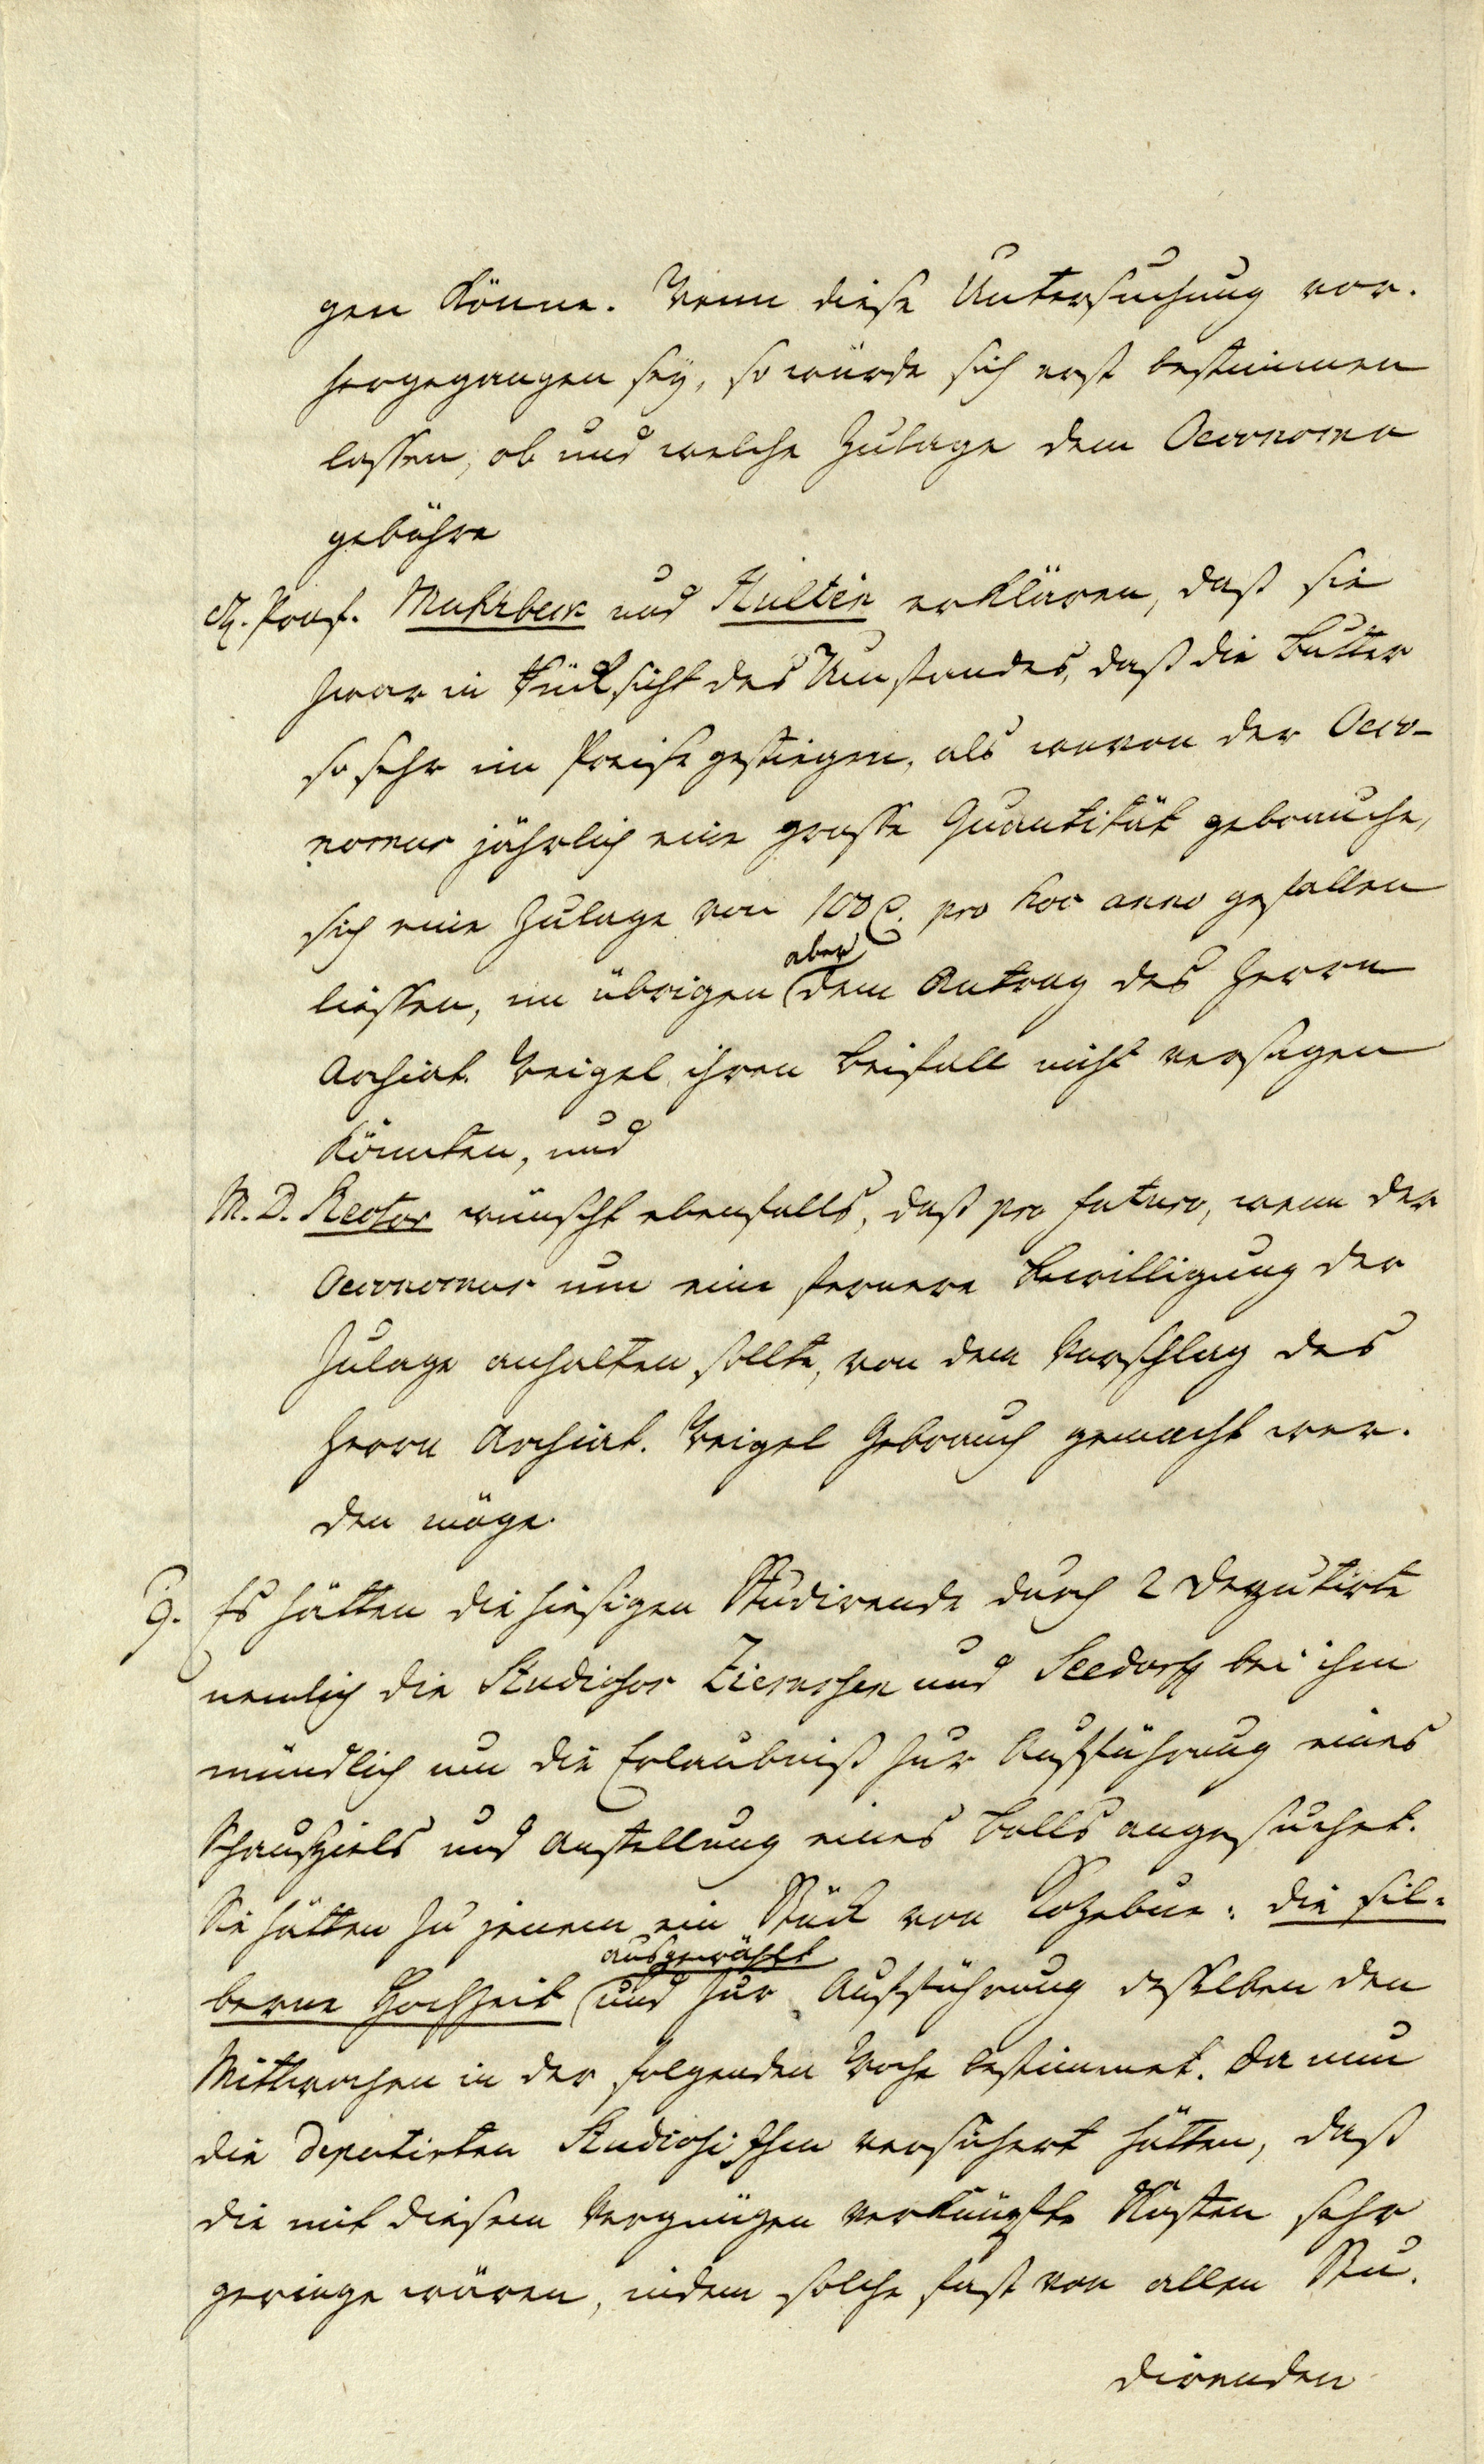gen könne. Wenn diese Untersuchung vor¬
hergegangen seÿ, so würde sich erst bestimmen
lassen, ob und welche Zulage dem Oeconomo
gebühre
dh. Prof. Muhrbeck und Hultén erklären, daß sie
zwar in Rücksicht des Umstandes, daß die Butter
so sehr im Preise gestiegen, als wovon der Oeco¬
nomus jährlich eine grosse Quantität gebrauche,
sich eine Zulage von 100 l. pro hoc anno gefallen
liessen, im übrigen aber dem Antrag des Herrn
Archiat. Weigel ihren Beifall nicht versagen
könnten, und
M. D. Rector wünscht ebenfalls, daß pro futuro, wenn der
Oeconomus um eine fernere Bewilligung der
Zulage anhalten sollte, von dem Vorschlag des
Herrn Archiat. Weigel Gebrauch gemacht wer-
den möge.
9. Es hätten die hiesigen Studirende durch 2 Deputirte
nemlich die Studiosos Ziemssen und Seedorff bei ihm
mündlich um die Erlaubniß zur Aufführung eines
Schauspiels und Anstellung eines Balls angesuchet.
Sie hätten zu jenem den Stück von Kozebue: die sil¬
ausgewählt
berne Hochzeit und zur Auführung desselben den
Mittwochen in der folgenden Woche bestimmet. Da nun
die deputirten Studiosi ihm versichert hätten, daß
die mit diesem Vergnügen verknüpfte Kosten sehr
geringe wären, indem solche fast von allen Stu¬
direnden